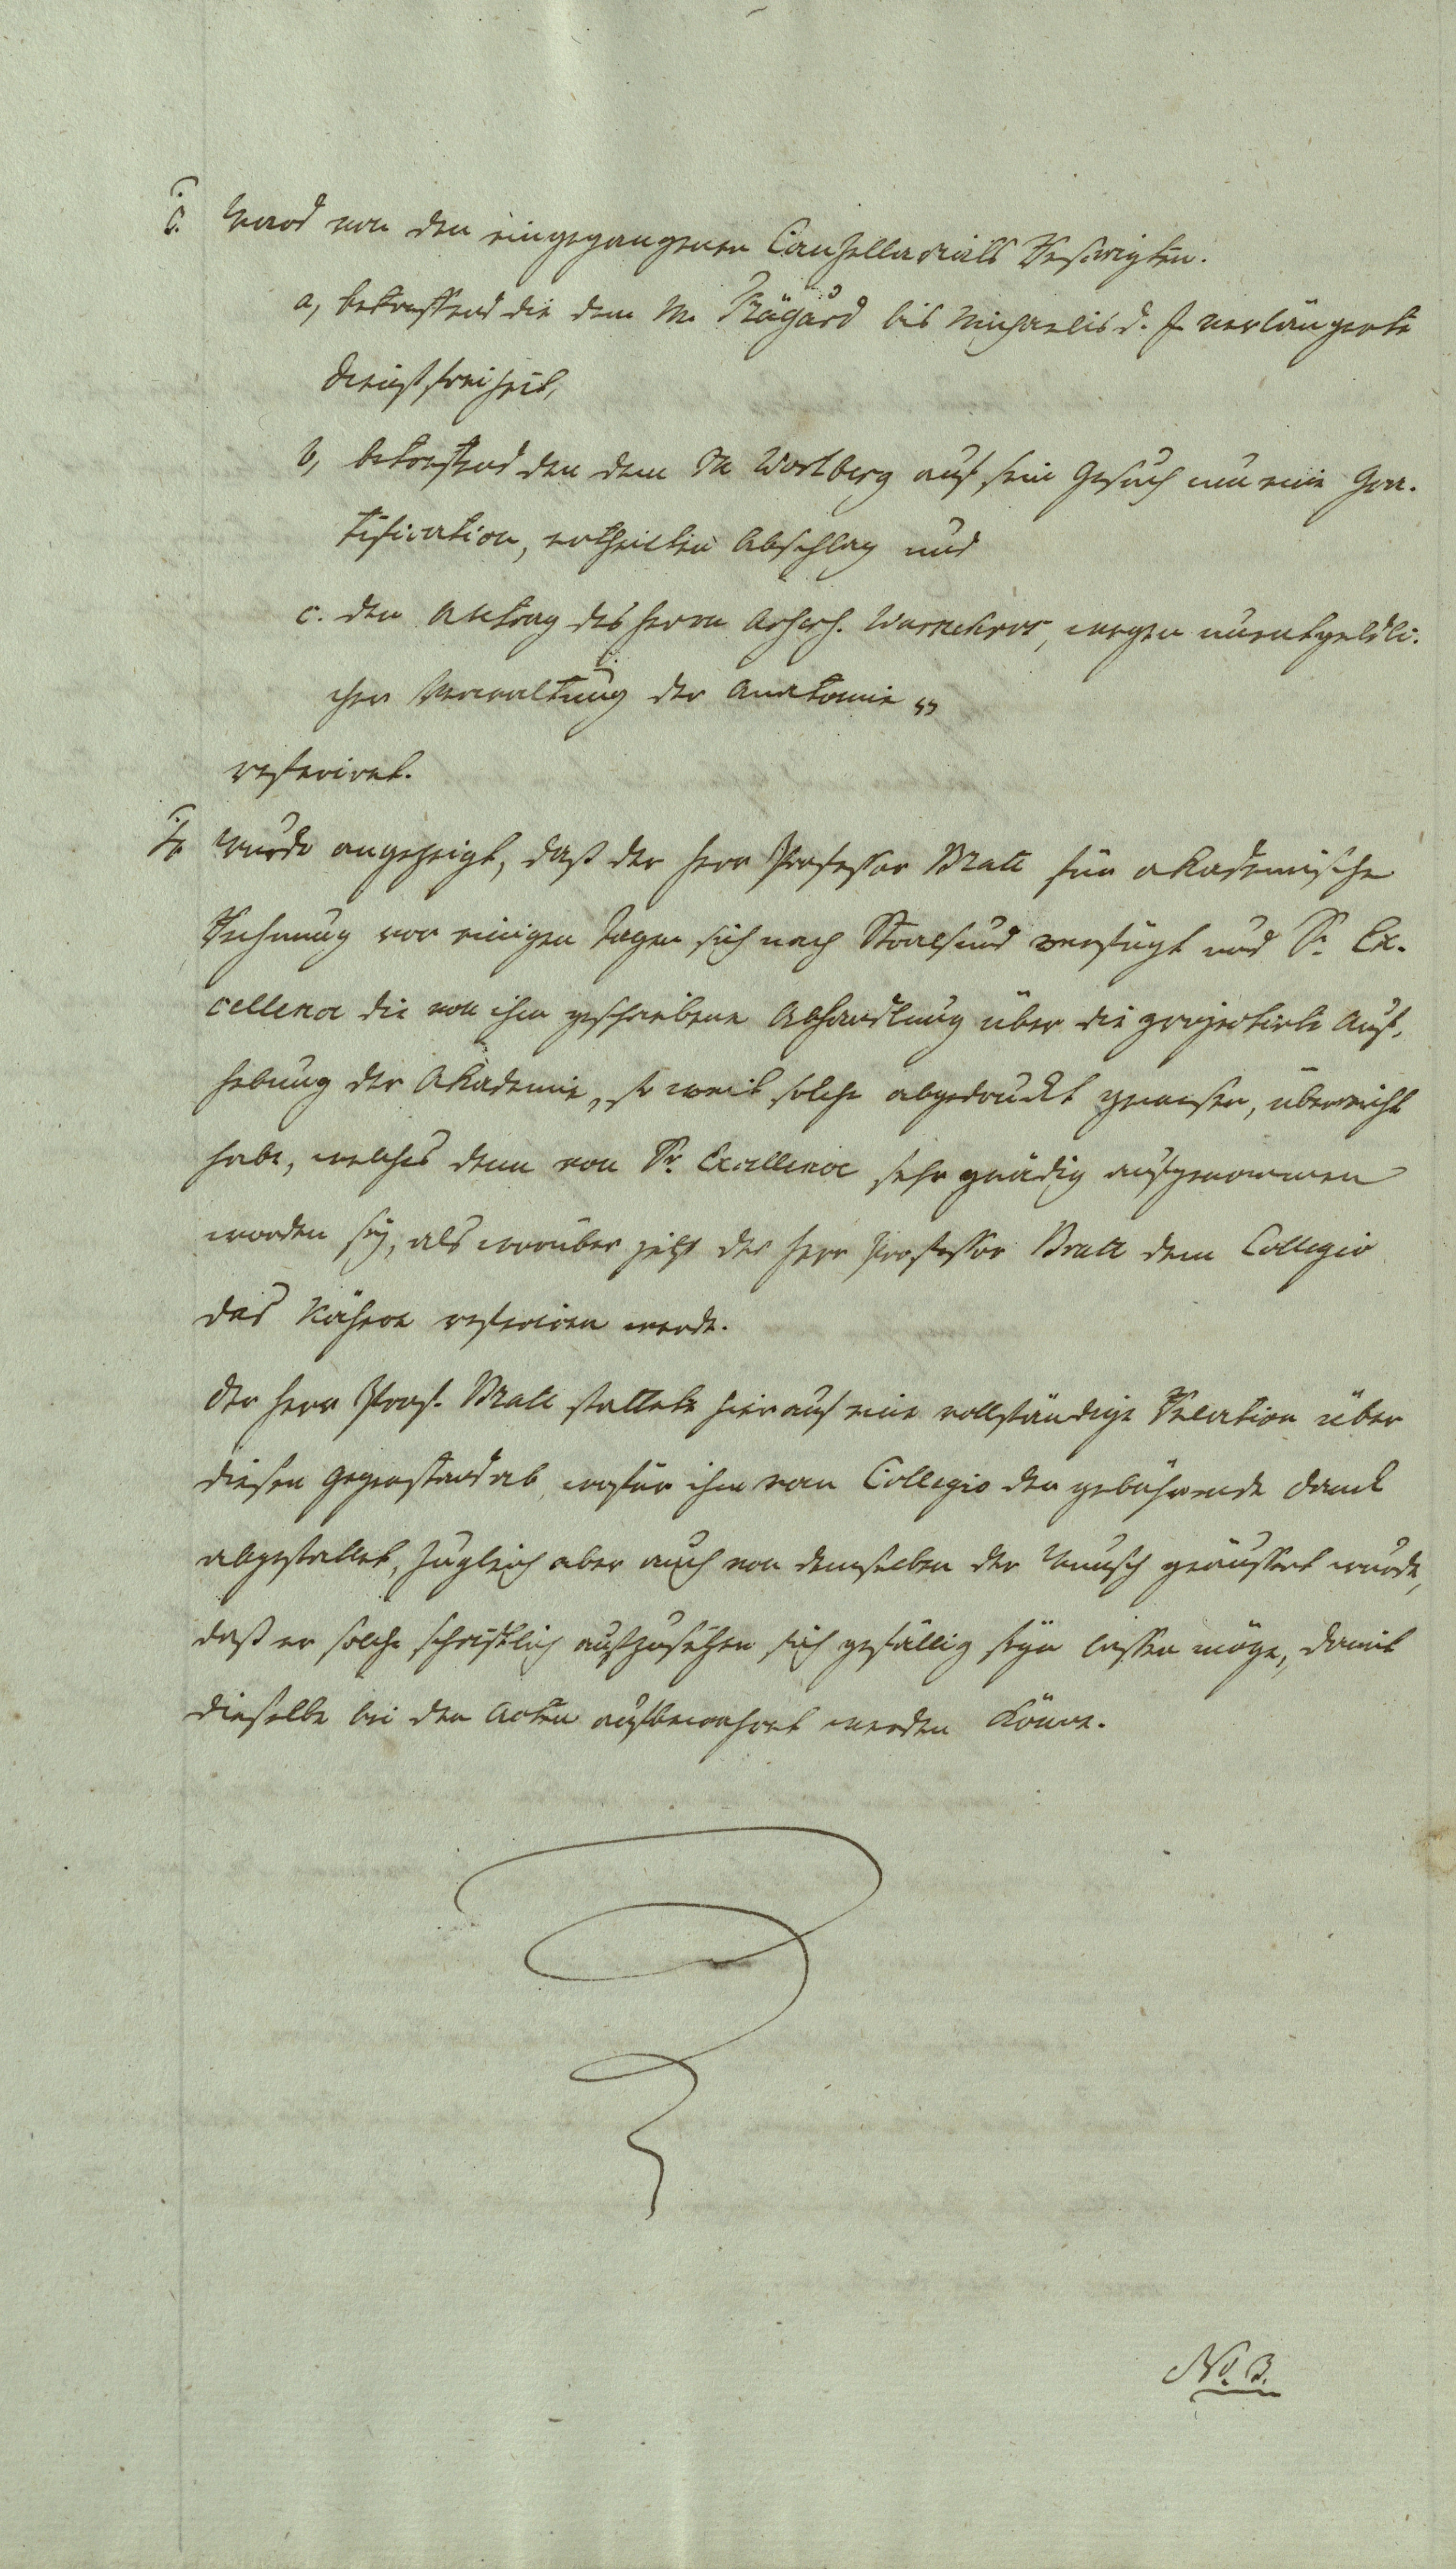3. Ward von den eingegangenen Canzellariats Rescripten.
a, betreffend die dem M. Trägård bis Michaelis d. J. verlängerte
Dienstfreiheit,
b, betreffend den dem M. Wortberg auf sein Gesuch um eine Gra¬
tification, ertheilten Abschlag und
c, den Antrag des herrn Assess. Warnekros, wegen unentgeldli¬
cher Verwaltung der Anatomie»
referiret.
4. Wurde angezeigt, daß der herr Professor Bratt für akademische
Rechnung vor einigen Tagen sich nach Stralsund verfügt und Sr. Ex¬
cellence die von ihm geschriebene Abhandlung über die projectirte Auf¬
hebung der Akademie, so weit solche abgedruckt gewesen, überreicht
habe, welches denn von Sr. Excellence sehr gnädig aufgenommen
worden seÿ, als worüber jetzt der herr Professor Bratt dem Collegio
das Nähere referiren werde.
Der herr Prof. Bratt stattete hierauf eine vollständige Relation über
diesen Gegenstand ab, wofür ihm vom Collegio der gebührende Danck
abgestattet, zugleich aber auch von demselben der Wunsch geäussert wurde,
daß er solche schriftlich aufzusetzen sich gefällig seÿn lassen möge, damit
dieselbe bei den Acten aufbewahret werden könne.
Nº. 3.